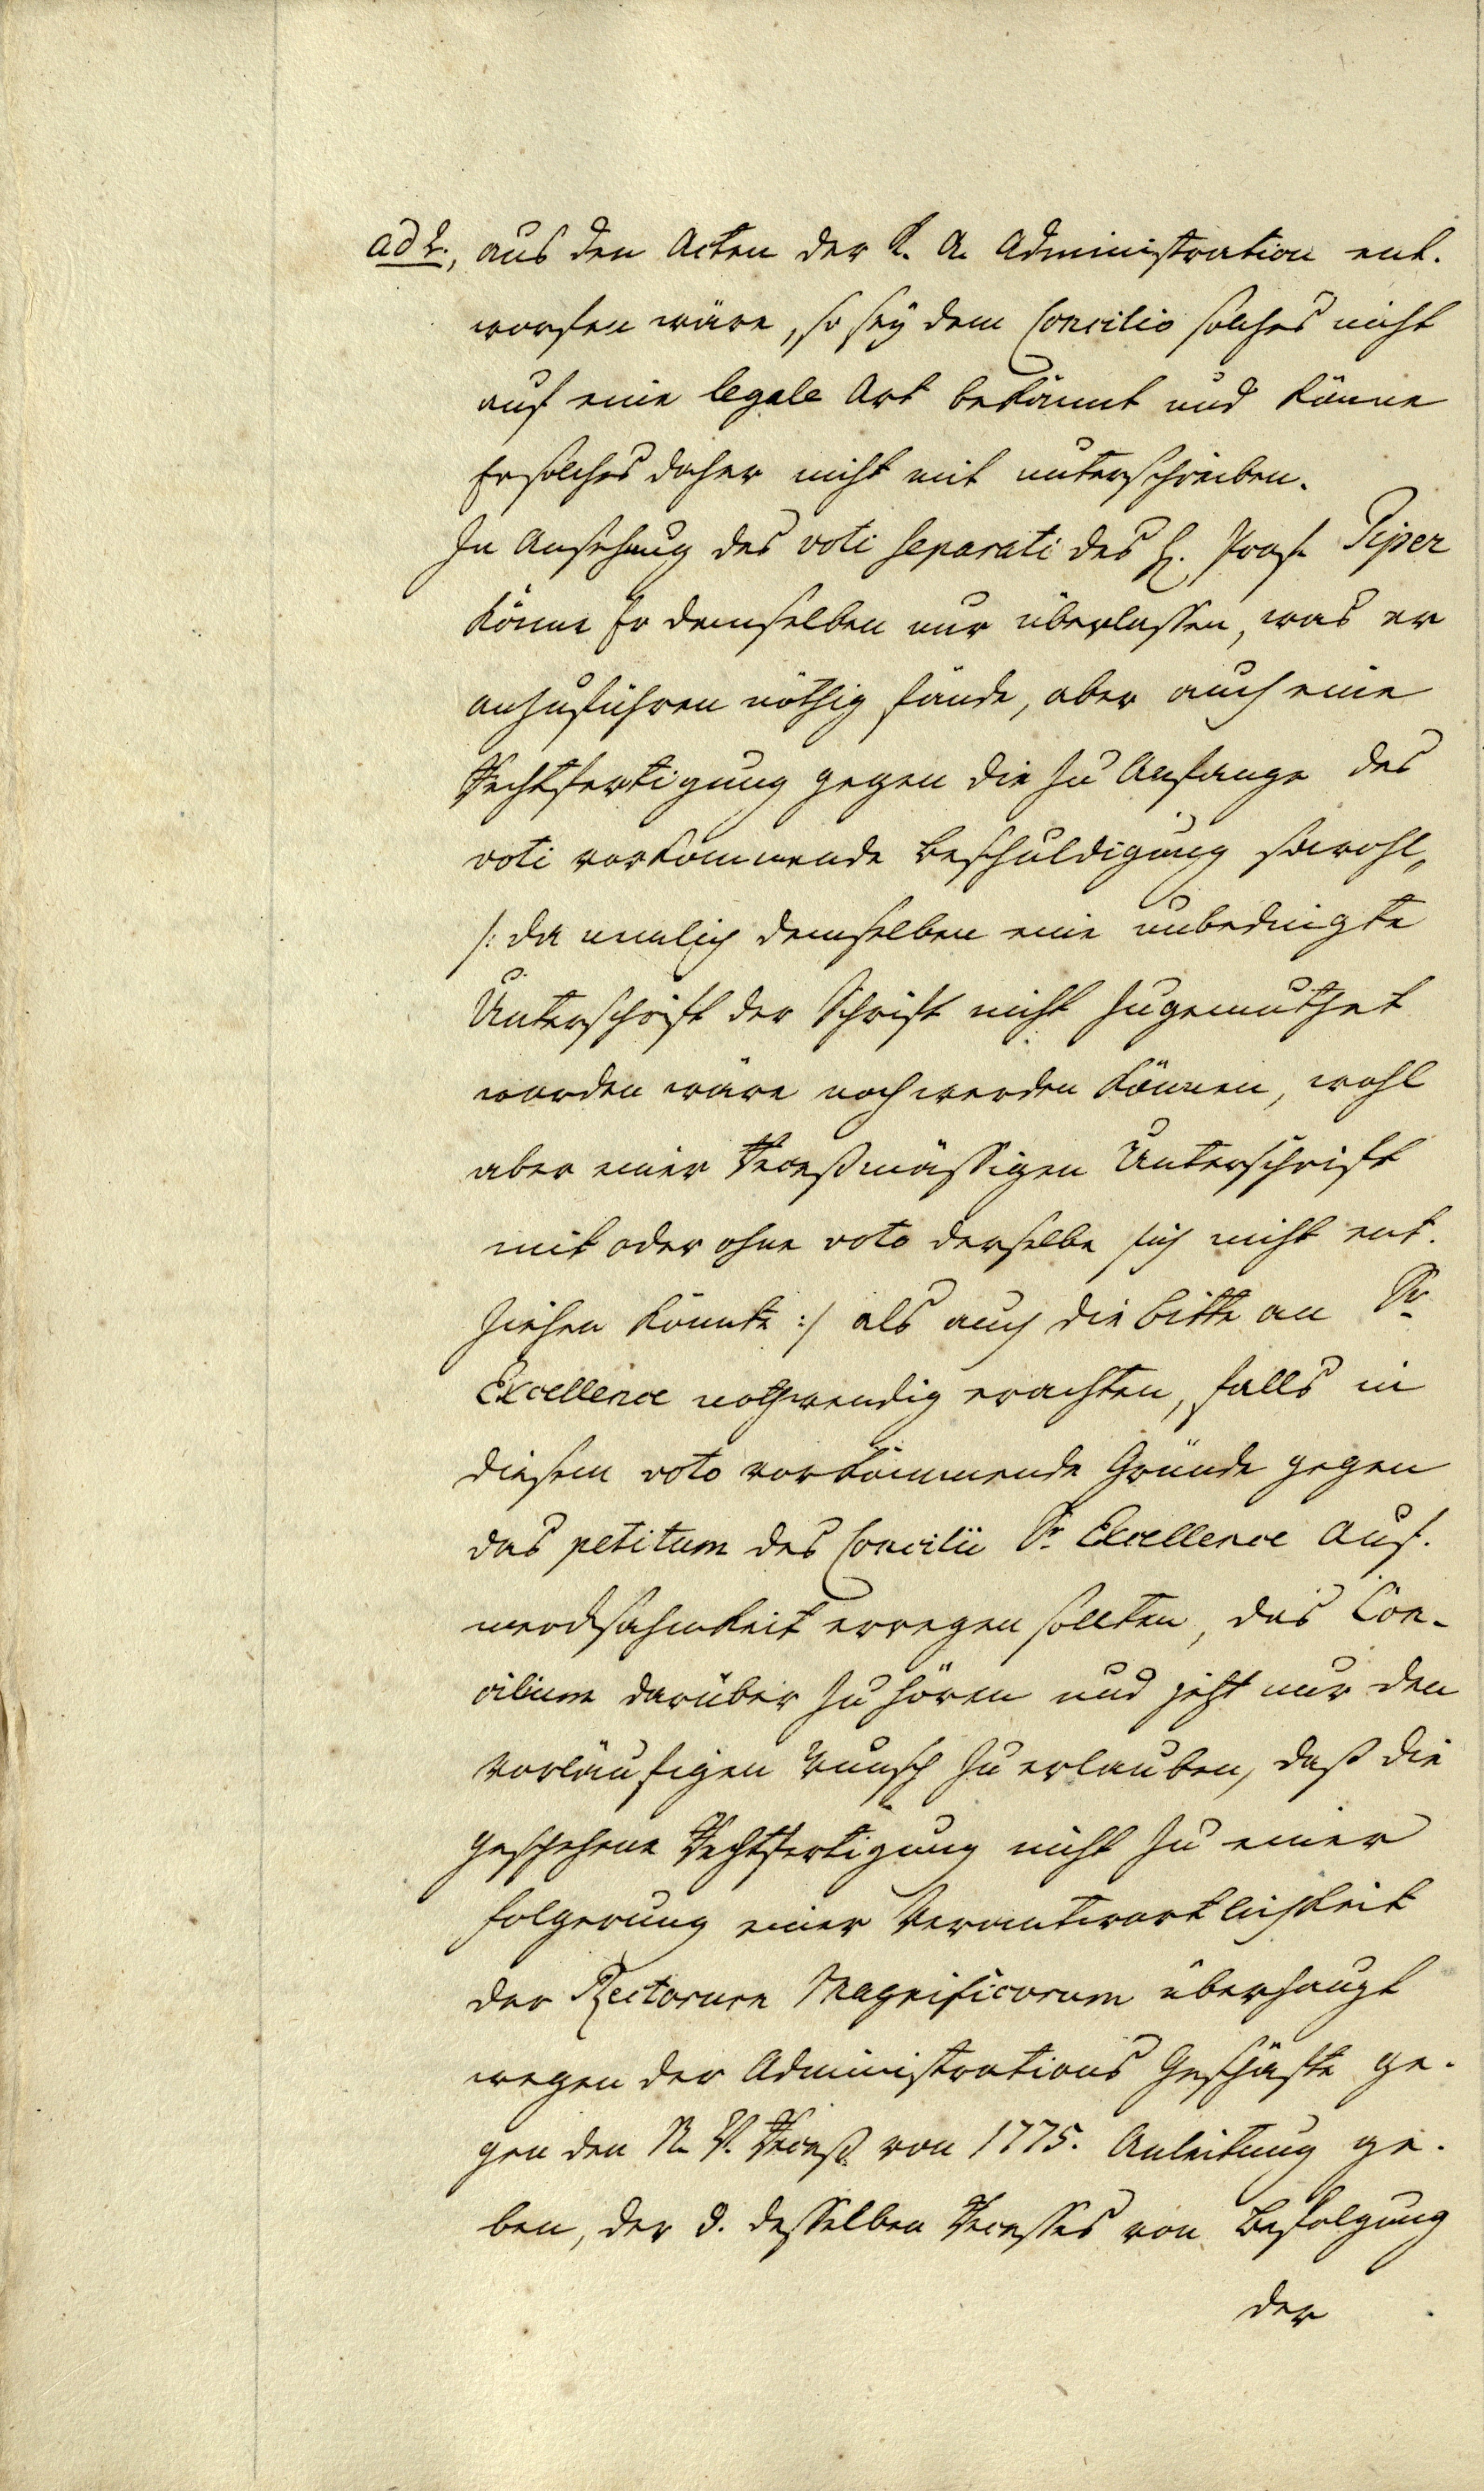ad 2., aus den Acten der K. A. Administration ent¬
worfen wäre, so seÿ dem Concilio solches nicht
auf eine legale Art bekannt und könne
Er solches daher nicht mit unterschreiben.
In Ansehung des voto separati des H. Prof. Piper
könne Er demselben nur überlassen, was er
anzuführen nöthig fände, aber auch eine
Rechtfertigung gegen die zu Anfange des
voti vorkommende Beschuldigung sowohl,
/: da nemlich demselben eine unbedingte
Unterschrift der Schrift nicht zugemuthet
worden wäre noch werden können, wohl
aber einer Receßmässigen Unterschrift
mit oder ohne voto derselbe sich nicht ent¬
ziehen könnte :/ als auch die Bitte an Sr.
Excellence nothwendig erachten, falls in
diesem voto vorkommende Gründe gegen
das petitum des Concilii Sr. Excellence Auf¬
mercksahmkeit erregen sollten, das Con¬
cilium darüber zu hören und jetzt nur den
vorläufigen Wunsch zu erlauben, daß die
geschehene Rechtfertigung nicht zu einer
Folgerung einer Verantwortlichkeit
der Rectorum Magnificorum überhaupt
wegen der Administrations Geschäfte ge¬
gen den N. V. Receß von 1775. Anleitung ge¬
ben, der §. desselben Recesses von Befolgung
der